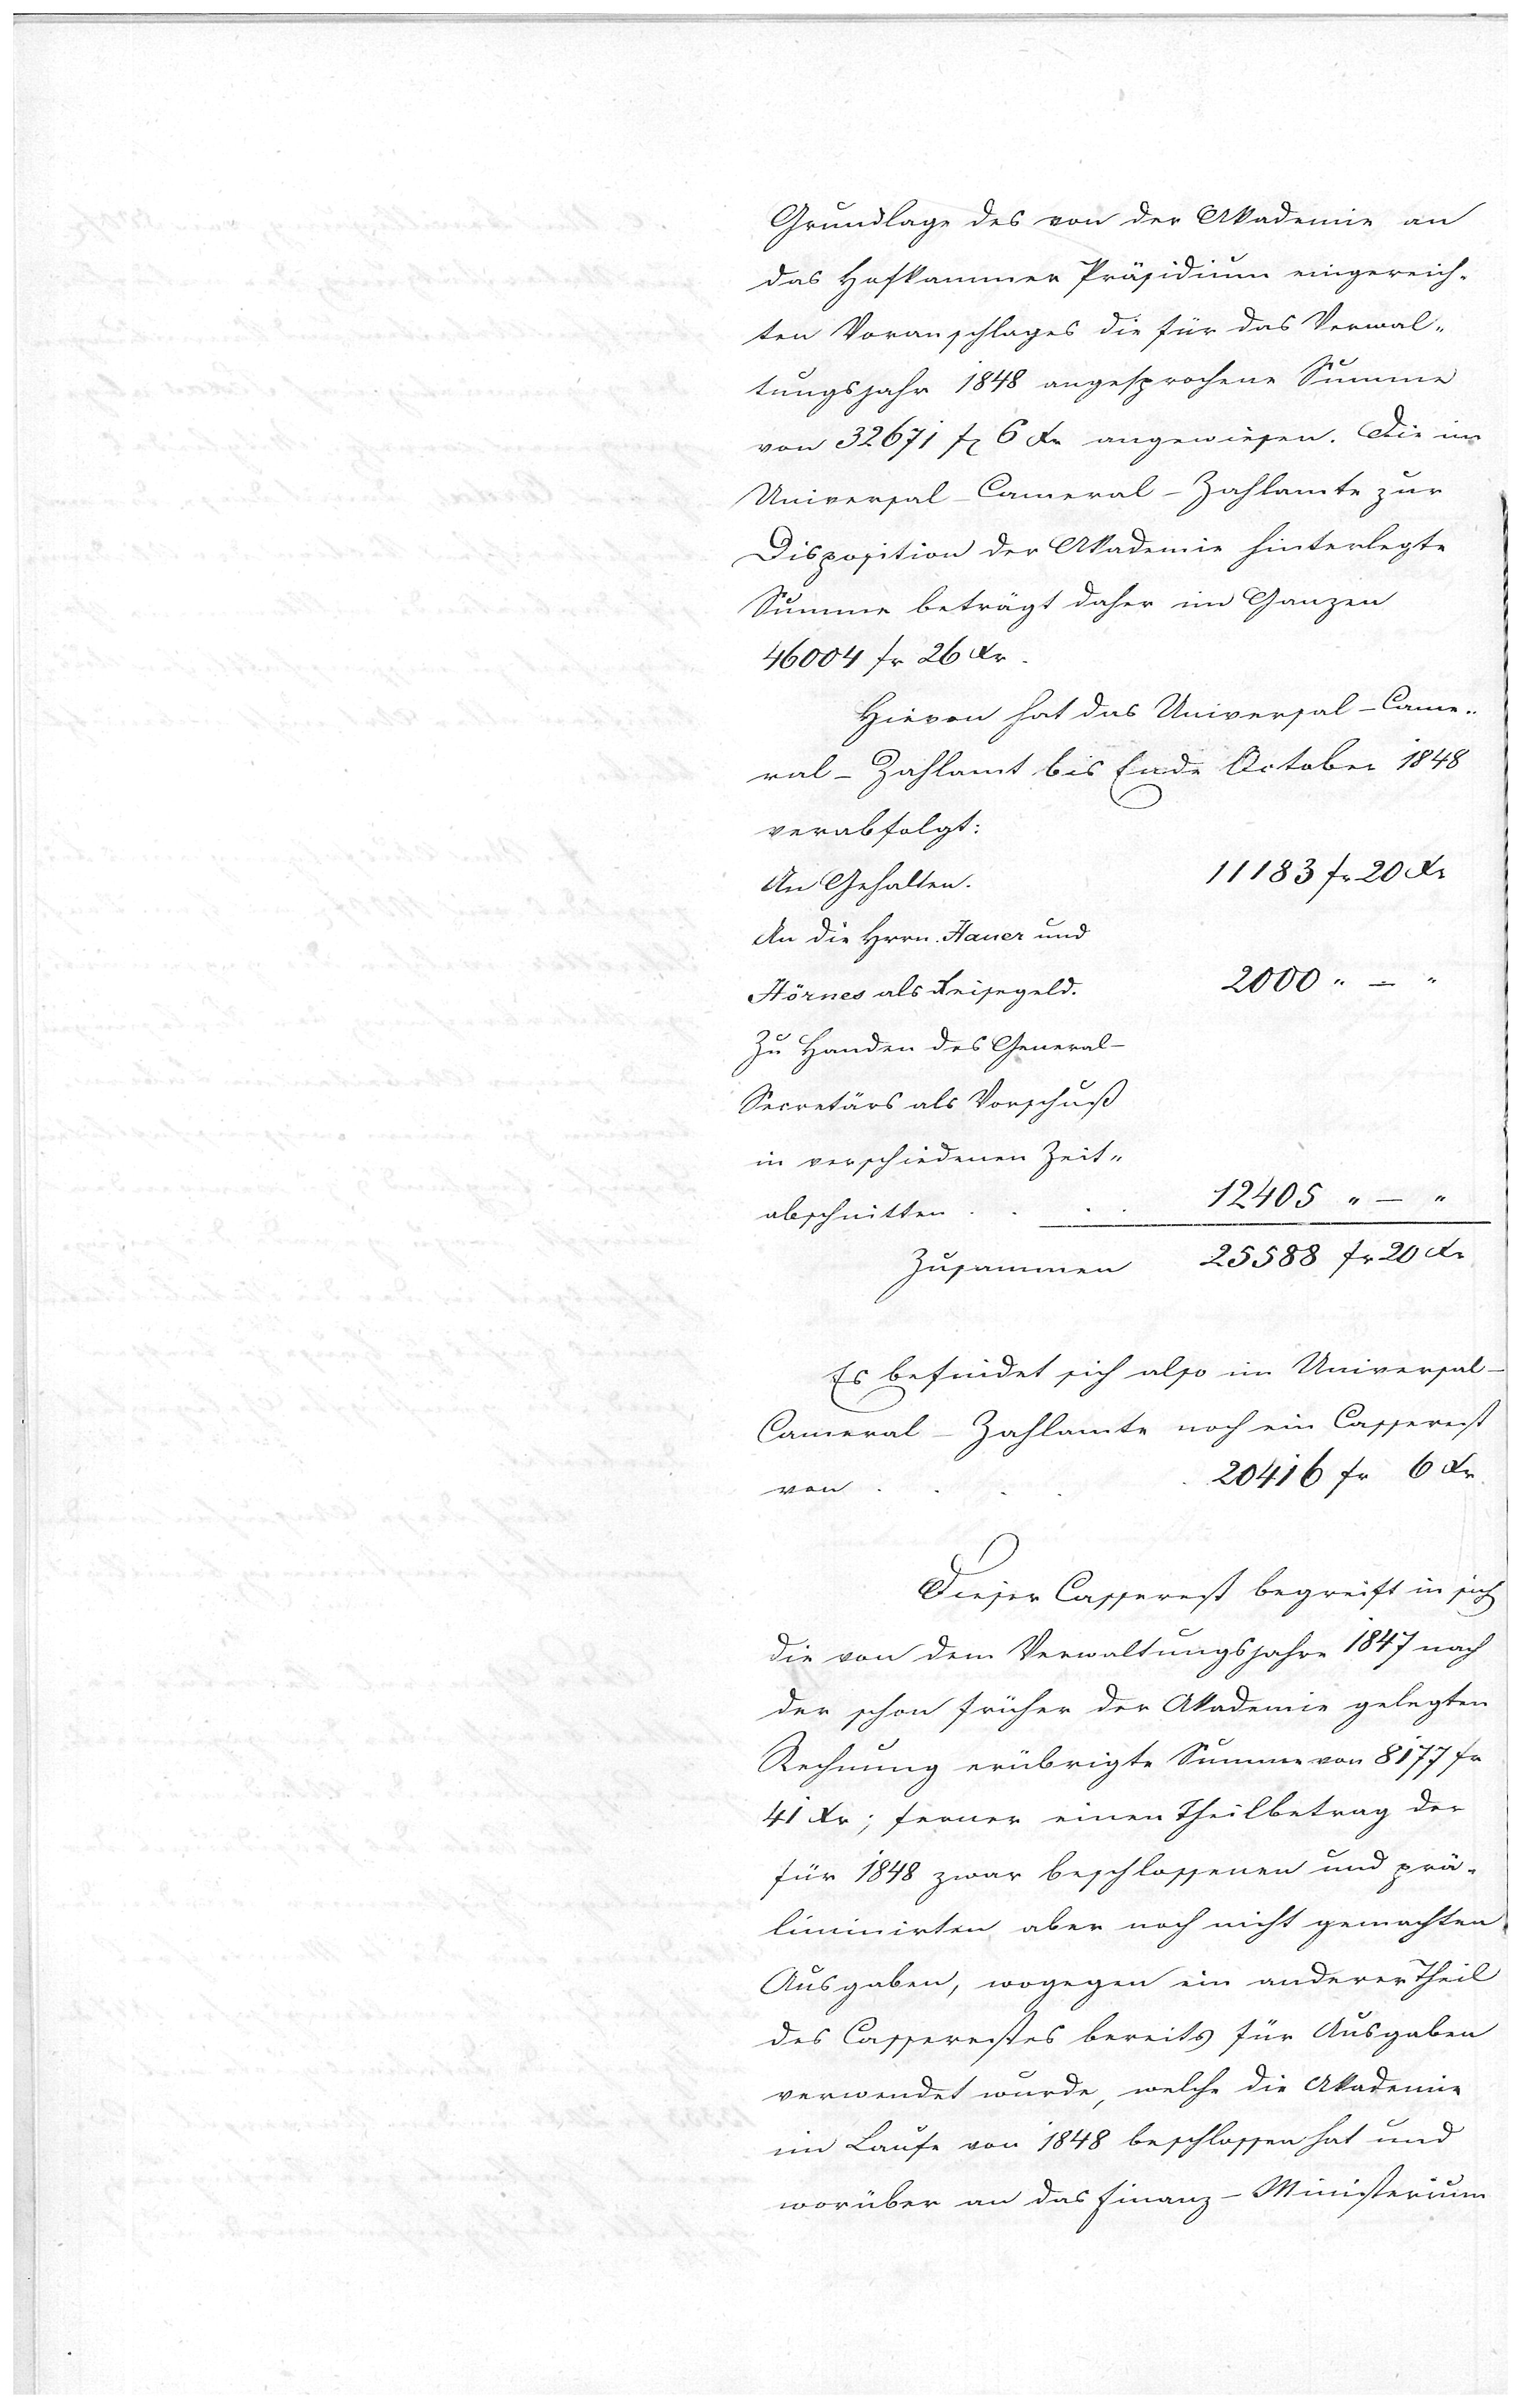Grundlage des von der Akademie an
das Hofkammer Präsidium eingereich-
ten Voranschlages die für das Verwal-
tungsjahr 1848 angesprochene Summe
von 32671 fr 6 kr angewiesen. Die im
Universal-Cameral-Zahlamte zur
Disposition der Akademie hinterlegte
Summe beträgt daher im Ganzen
46004 fr 26 kr.
Hiervon hat des Universal-Came-
ral-Zahlamt bis Ende October 1848
verabfolgt:
An Gehalten. 11138 fl 20 kr
An die Herrn Hauer und
Hörnes als Reisegeld. 2000 " - "
zu Handen des General-
Secretärs als Vorschluß
in verschiedenen Zeit
abschnitten . . . . . 12405 " - "
Zusammen 25588 fr 20 kr
Es befindet sich also im Univeral-
Cameral-Zahlamte noch ein Casserest
von . . . . . 20416 fr 6 kr
Dieser Cassarest begreift in sich
die von dem Verwaltungsjahre 1847 nach
der schon früher der Akademie gelegten
Rechnung erübrigte Summe von 8177 fr
41 kr, ferner einen Theilbetrag der
für 1848 zwar beschlassenen und prä-
liminirten aber noch nicht gemachten
Ausgaben, wogegen ein anderer Theil
des Casserestes bereits für Ausgaben
verwendet wurde, welche die Akademie
im Laufe von 1848 beschlossen hat und
worüber an das Finanz-Ministerium